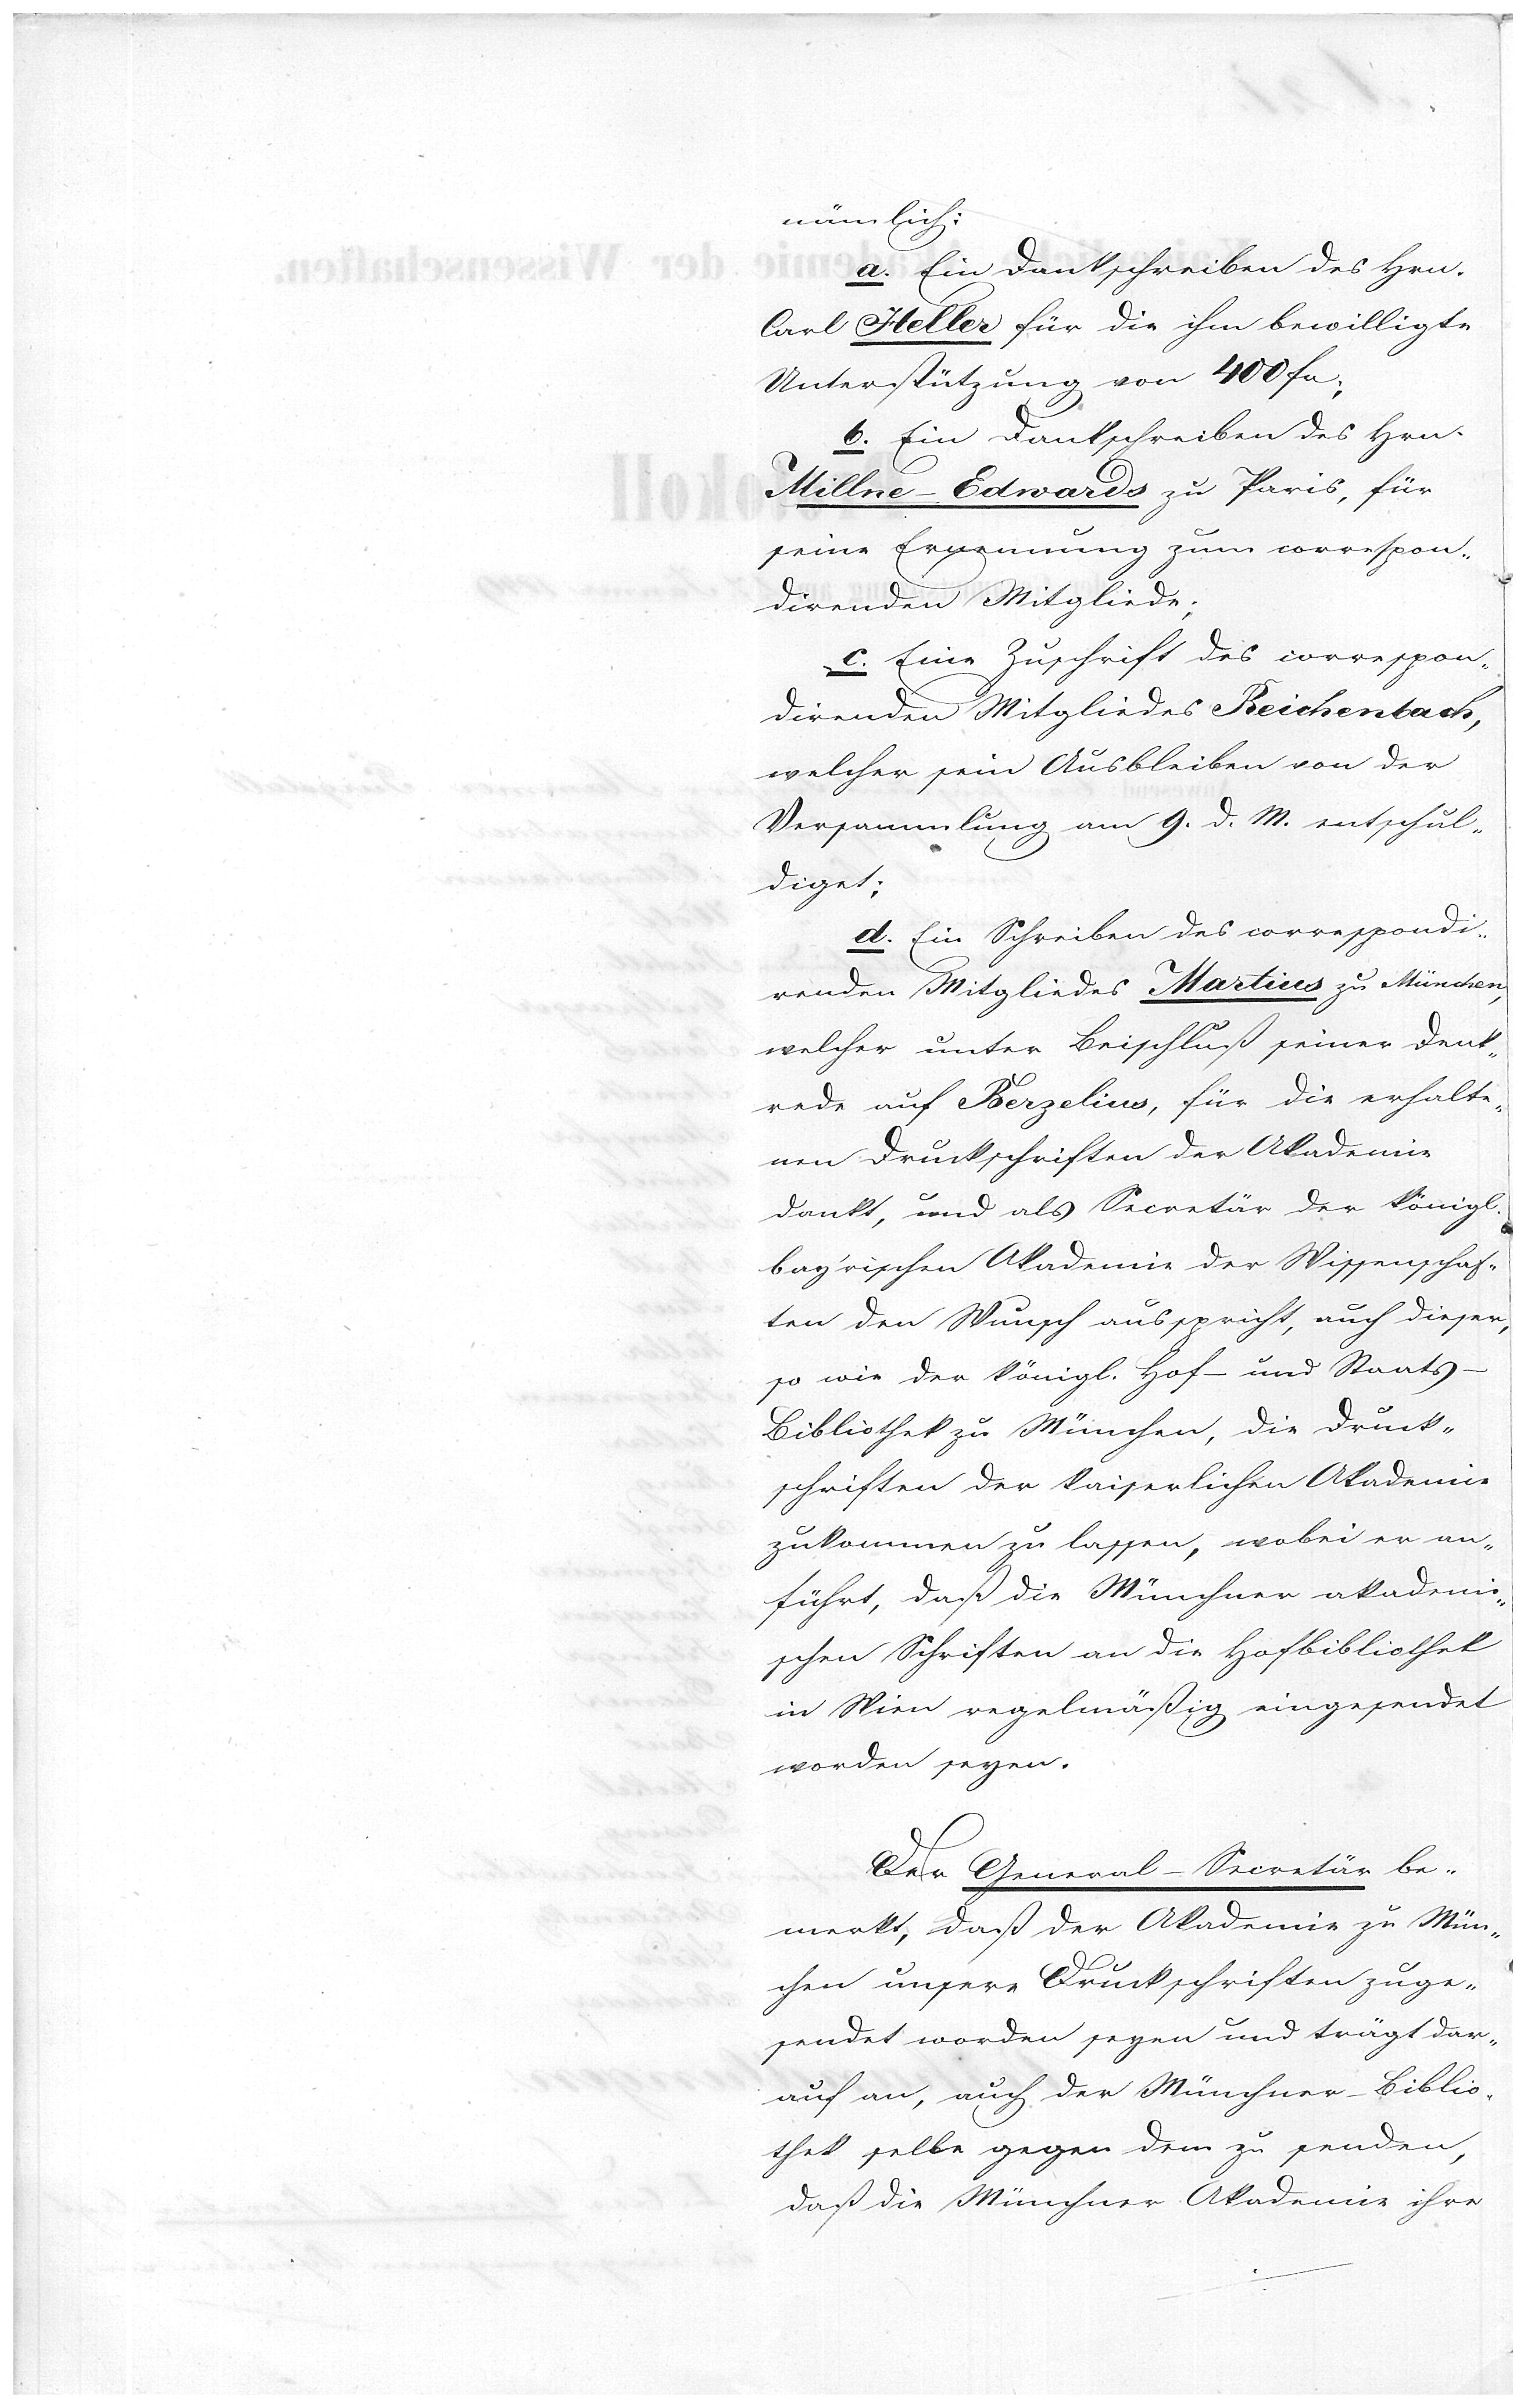nämlich:
a. Ein Dankschreiben des Hrn.
Carl Heller für die ihm bewilligte
Unterstützung von 400 fr;
b. Ein Dankschreiben des Hrn.
Millne-Edwards zu Paris, für
seine Ernennung zum correspon-
direnden Mitgliede;
c. Eine Zuschrift des correspon-
direnden Mitgliedes Reichenbach,
welcher sein Ausbleiben von der
Versammlung am 9. d. M. entschul-
diget;
d. Ein Schreiben des correspondi-
renden Mitgliedes Martius zu München,
welcher unter Beischluß seiner Denk-
rede auf Berzelius, für die erhalte-
nen Druckschriften der Akademie
dankt, und als Secretär der königl.
bayrischen Akademie der Wissenschaf-
ten den Wunsch ausspricht, auch dieser,
so wie der königl. Hof- und Staats-
Bibliothek zu München, die Druck-
schriften der kaiserlichen Akademie
zukommen zu lassen, wobei er an-
führt, daß die Münchner akademi-
schen Schriften an die Hofbibliothek
in Wien regelmäßig eingesendet
worden seyen.
Der General- Secretär be-
merkt, daß der Akademie zu Mün-
chen unsere Druckschriften zuge-
sendet worden seyen und trägt dar-
auf an, auch der Münchner Biblio-
thek selbe gegen dem zu senden,
daß die Münchner Akademie ihre